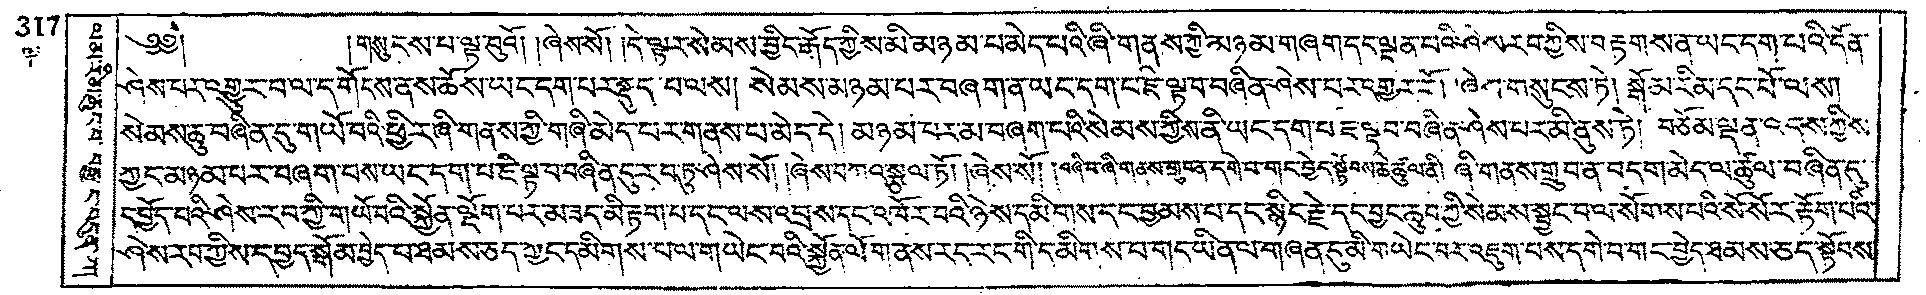༄༅། །གསུངས་པ་ལྟ་བུའོ། །ཞེས་སོ། །དེ་ལྟར་སེམས་བྱིང་རྒོད་ཀྱིས་མི་མཉམ་པ་མེད་པའི་ཞི་གནས་ཀྱི་མཉམ་གཞག་དང་ལྡན་པའི་ཤེས་རབ་ཀྱིས་བརྟགས་ན་ཡང་དག་པའི་དོན་
ཤེས་པར་འགྱུར་བ་ལ་དགོངས་ནས་ཆོས་ཡང་དག་པར་སྡུད་པ་ལས། སེམས་མཉམ་པར་བཞག་ན་ཡང་དག་པ་ཇི་ལྟ་བ་བཞིན་ཤེས་པར་འགྱུར་རོ། །ཞེས་གསུངས་ཏེ། སྒོམ་རིམ་དང་པོ་ལས།
སེམས་ཆུ་བཞིན་དུ་གཡོ་བའི་ཕྱིར་ཞི་གནས་ཀྱི་གཞི་མེད་པར་གནས་པ་མེད་དེ། མཉམ་པར་མ་བཞག་པའི་སེམས་ཀྱིས་ནི་ཡང་དག་པ་ཇི་ལྟ་བ་བཞིན་ཤེས་པར་མི་ནུས་ཏེ། བཅོམ་ལྡན་འདས་ཀྱིས་
ཀྱང་མཉམ་པར་བཞག་པས་ཡང་དག་པ་ཇི་ལྟ་བ་བཞིན་དུ་རབ་ཏུ་ཤེས་སོ། །ཞེས་བཀའ་སྩལ་ཏོ། །ཞེས་སོ། །བཞི་པ་ཞི་གནས་གྲུབ་ན་དགེ་བ་གང་བྱེད་སྟོབས་ཆེ་ཚུལ་ནི།  ཞི་གནས་གྲུབ་ན་བདག་མེད་ལ་ཚུལ་བཞིན་དུ་
དཔྱོད་པའི་ཤེས་རབ་ཀྱི་གཡོ་བའི་སྐྱོན་ལྡོག་པར་མ་ཟད་མི་རྟག་པ་དང་ལས་འབྲས་དང་འཁོར་བའི་ཉེས་དམིགས་དང་བྱམས་པ་དང་སྙིང་རྗེ་དང་བྱང་ཆུབ་ཀྱི་སེམས་སྦྱང་བ་ལ་སོགས་པའི་སོ་སོར་རྟོག་པའི་
ཤེས་རབ་ཀྱིས་དཔྱད་སྒོམ་བྱེད་པ་ཐམས་ཅད་ཀྱང་དམིགས་པ་ལ་གཡེང་བའི་སྐྱོན་ལོག་ནས་རང་རང་གི་དམིགས་པ་གང་ཡིན་ལ་གཞན་དུ་མི་གཡེང་བར་འཇུག་པས་དགེ་བ་གང་བྱེད་ཐམས་ཅད་སྟོབས་